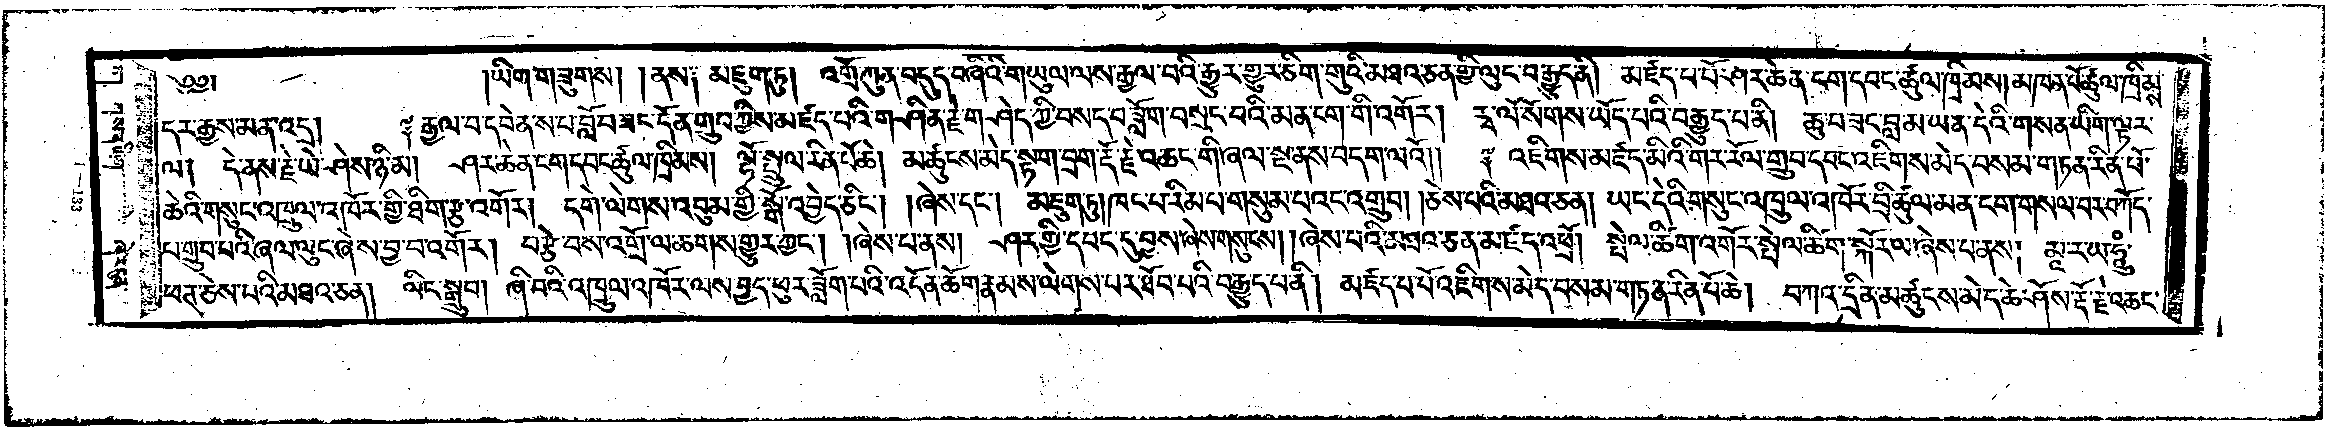༄༅། །ཡིག་གཟུགས། ནས༑ མཇུག་ཏུ། འགྲོ་ཀུན་བདུད་བཞིའི་གཡུལ་ལས་རྒྱལ་བའི་རྒྱུར་གྱུར་ཅིག་གུའི་མཐའ་ཅན་གྱི་ལུང་བརྒྱུད་ནི། མཛད་པ་པོ་ཤར་ཆེན་ངག་དབང་ཚུལ་ཁྲིམས། མཁན་པོ་ཚུལ་ཁྲིམས་
དར་རྒྱས་མན་འདྲ། ༈ རྒྱལ་བ་དབེན་ས་པ་བློ་བཟང་དོན་གྲུབ་ཀྱིས་མཛད་པའི་གཤིན་རྗེ་གཤེད་ཀྱི་བསད་བཟློག་བསྲུང་བའི་མན་ངག་གི་འགོར། རྭ་ལོ་སོགས་ཡོད་པའི་བརྒྱུད་པ་ནི། ཆུ་བཟང་བླ་མ་ཡན་དེའི་གསན་ཡིག་ལྟར་
ལ། དེ་ནས་རྗེ་ཡེ་ཤེས་ཉི་མ། ཤར་ཆེན་ངག་དབང་ཚུལ་ཁྲིམས། ལྷོ་སྤྲུལ་རིན་པོ་ཆེ། མཚུངས་མེད་སྟག་བྲག་རྡོ་རྗེ་འཆང་གི་ཞལ་སྔ་ནས་བདག་ལའོ།། ༈ འཇིགས་མཛད་མིའི་གར་རོལ་གྲུབ་དབང་འཇིགས་མེད་བསམ་གཏན་རིན་པོ་
ཆེའི་གསུང་འཁྲུལ་འཁོར་གྱི་ཐིག་རྩ་འགོར། དགེ་ལེགས་འབུམ་གྱི་སྒོ་འབྱེད་ཅིང་། །ཞེས་དང་། མཇུག་ཏུ། ཁང་པ་རིམ་པ་གསུམ་པའང་འགྲུབ། །ཅེས་པའི་མཐའ་ཅན། ཡང་དེའི་གསུང་འཁྲུལ་འཁོར་བྲི་ཚུལ་མན་ངག་གསལ་བར་བཀོད་
བ་གྲུབ་པའི་ཞལ་ལུང་ཞེས་བྱ་བ་འགོར། བརྩེ་བས་འགྲོ་ལ་ཆགས་གྱུར་ཀྱང་། །ཞེས་པ་ནས། ཤར་གྱི་དབང་དུ་བྱས་ཞེས་གསུངས། །ཞེས་པའི་མཐའ་ཅན་མཛད་འཕྲོ། སྤེལ་ཚིག་འགོར་སྤེལ་ཚིག་སྐོར་ལ་ཞེས་པ་ནས། མཱ་ར་ཡ་ཧཱུཾ་
ཕཊ་ཅེས་པའི་མཐའ་ཅན། ལིང་སྒྲུབ། ཞི་བའི་འཁྲུལ་འཁོར་ལས་བྱད་ཕུར་ཟློག་པའི་འདོན་ཆོག་རྣམས་ལེགས་པར་ཐོབ་པའི་བརྒྱུད་པ་ནི། མཛད་པ་པོ་འཇིགས་མེད་བསམ་གཏན་རིན་པོ་ཆེ། བཀའ་དྲིན་མཚུངས་མེད་ཆེ་ཤོས་རྡོ་རྗེ་འཆང་